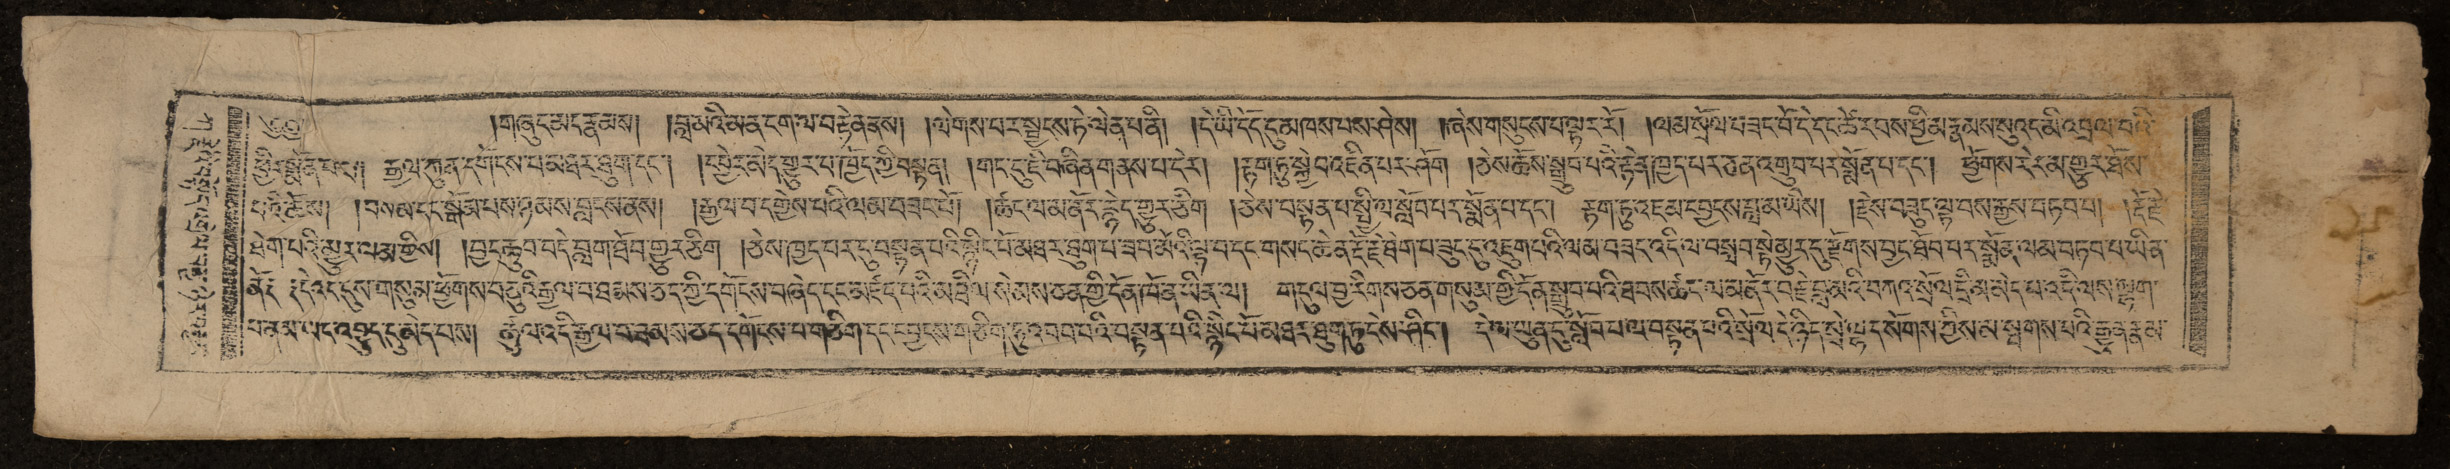༄༅། །གཞུང་མང་རྣམས། །བླ་མའི་མན་ངག་ལ་བརྟེན་ནས། །ལེགས་པར་སྦྱངས་ཏེ་ལེན་པ་ནི། །དེ་ཡི་དོད་དུ་མཁས་པས་ཤེས། །ཞེས་གསུངས་པ་ལྟར་རོ། །ལམ་སྲོལ་བཟང་པོ་དེ་དང་ཚེ་རབས་ཕྱི་མ་རྣམས་སུའང་མི་འབྲལ་བའི་
ཕྱིར་སྨོན་བ་ལ། རྒྱལ་ཀུན་དགོངས་པ་མཐར་ཐུག་དང་། །དབྱེར་མེད་གྱུར་བ་ཁྱོད་ཀྱི་བསྟན། །གང་དུ་ཇི་བཞིན་གནས་པ་དེར། །རྟག་ཏུ་སྐྱེ་བ་འཛིན་པར་ཤོག །ཅེས་ཆོས་སྒྲུབ་པའི་རྟེན་ཁྱད་པར་ཅན་འགྲུབ་པར་སྨོན་པ་དང་། ཕྱོགས་རེར་མ་གྱུར་ཐོས་
པའི་ཆོས། །བསམ་དང་སྒོམ་པས་ཉམས་བླངས་ནས། །རྒྱལ་བ་དགྱེས་པའི་ལམ་བཟང་པོ། །ཚང་ལ་མ་ནོར་རྙེད་གྱུར་ཅིག །ཅེས་བསྟན་པ་སྤྱི་ལ་སློབ་པར་སྨོན་པ་དང་། རྟག་ཏུ་འཇམ་དབྱངས་བླ་མ་ཡིས། །རྗེས་བཟུང་ལྟ་བས་རྒྱས་བཏབ་པ། །རྡོ་རྗེ་
ཐེག་པའི་མྱུར་ལམ་གྱིས། །བྱང་ཆུབ་བདེ་སླག་ཐོབ་གྱུར་ཅིག །ཅེས་ཁྱད་པར་དུ་བསྟན་པའི་སྙིང་པོ་མཐར་ཐུག་པ་ཟབ་མོའི་ལྟ་བ་དང་གསང་ཆེན་རྡོ་རྗེ་ཐེག་བ་ཟུང་དུ་འཇུག་པའི་ལམ་བཟང་འདི་ལ་བསླབ་སྟེ་མྱུར་དུ་རྫོགས་བྱང་ཐོབ་པར་སྨོན་ལམ་བཏབ་པ་ཡིན་
ནོ༑ ༑དེའང་དུས་གསུམ་ཕྱོགས་བཅུའི་རྒྱལ་བ་ཐམས་ཅད་ཀྱི་དགོངས་བཞེད་དང་མཛད་པའི་མཐིལ་སེམས་ཅན་གྱི་དོན་ཁོ་ན་ཡིན་ལ། གདུལ་བྱ་རིགས་ཅན་གསུམ་གྱི་དོན་སྒྲུབ་པའི་ཐབས་ཚང་ལ་མ་ནོར་བ་རྗེ་བླ་མའི་བཀའ་སྲོལ་དྲི་མ་མེད་པ་འདི་ལས་ལྷག་
པ་ནམ་ཡང་དབྱུང་དུ་མེད་པས། ཚུལ་འདི་རྒྱལ་བ་ཐམས་ཅད་དགོངས་པ་གཅིག་དང་དབྱངས་གཅིག་ཏུ་འབབ་པའི་བསྟན་པའི་སྙིང་པོ་མཐར་ཐུག་ཏུ་ངེས་ཤིང་། དེ་ལ་ཡུན་དུ་སློབ་པ་ལ་བསྟན་པའི་སྲོལ་དེ་ཉིད་བསྲེ་ལྷད་སོགས་ཀྱིས་མ་སྤགས་པའི་རྒྱུན་རྣམ་